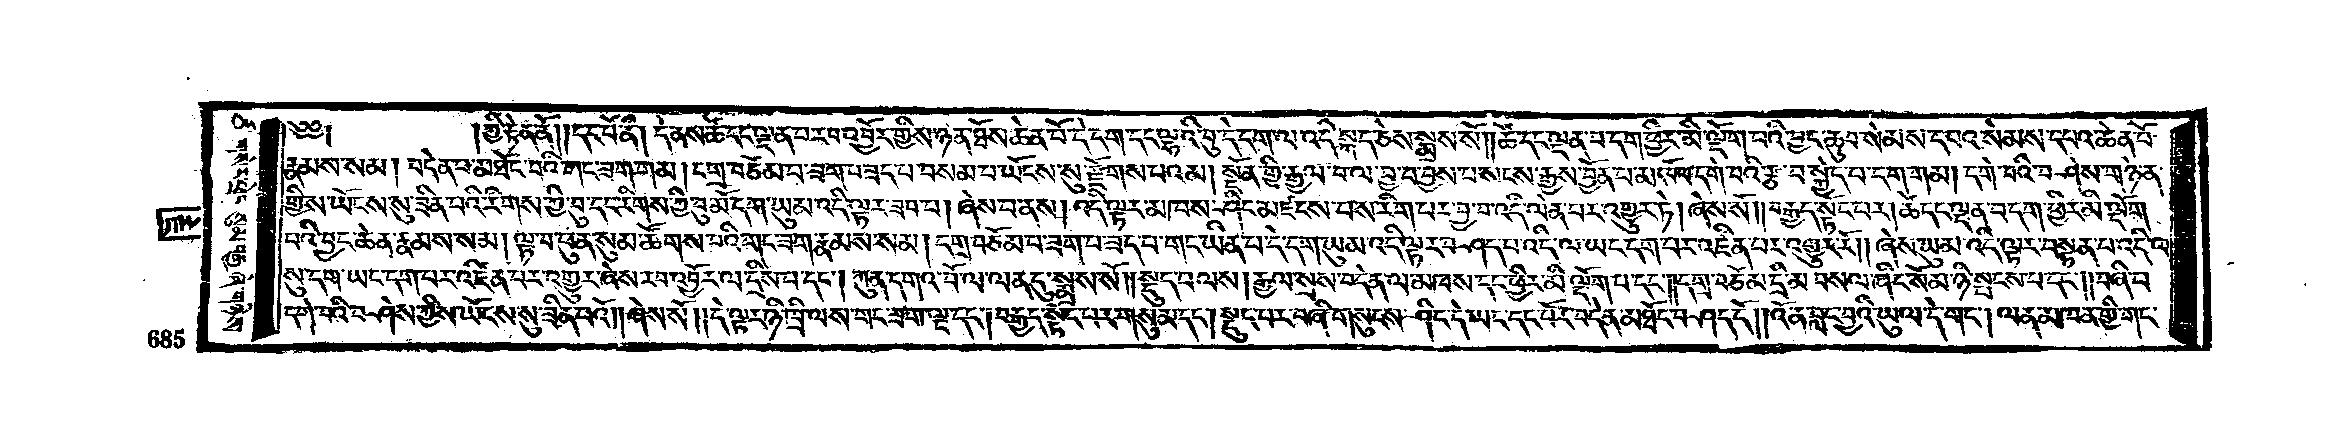༄༅། །ཀྱི་རྟེན་ནོ། །དང་པོ་ནི། དེ་ནས་ཚེ་དང་ལྡན་པ་རབ་འབྱོར་གྱིས་ཉན་ཐོས་ཆེན་པོ་དེ་དག་དང་ལྷའི་བུ་དེ་དག་ལ་འདི་སྐད་ཅེས་སྨྲས་སོ། །ཚེ་དང་ལྡན་པ་དག་ཕྱིར་མི་ལྡོག་པའི་བྱང་ཆུབ་སེམས་དཔའ་སེམས་དཔའ་ཆེན་པོ་
རྣམས་སམ། བདེན་པ་མཐོང་བའི་གང་ཟག་གམ། དགྲ་བཅོམ་པ་ཟག་པ་ཟད་པ་བསམ་པ་ཡོངས་སུ་རྫོགས་པའམ། སྔོན་གྱི་རྒྱལ་བ་ལ་བྱ་བ་བྱས་པ་སངས་རྒྱས་བྱོན་པ་མང་པོ་ལ་དགེ་བའི་རྩ་བ་སྐྱེད་པ་དག་གམ། དགེ་བའི་བཤེས་གཉེན་
གྱིས་ཡོངས་སུ་ཟིན་པའི་རིགས་ཀྱི་བུ་དང་རིགས་ཀྱི་བུ་མོ་དག་ཡུམ་འདི་ལྟར་ཟབ་པ། ཞེས་པ་ནས། འདི་ལྟར་མཁས་ཤིང་མཛངས་བས་རིག་པར་བྱ་བ་འདི་ལེན་པར་འགྱུར་ཏེ། ཞེས་སོ། །བརྒྱད་སྟོང་པར། ཚེ་དང་ལྡན་བདག་ཕྱིར་མི་ལྡོག་
པའི་བྱང་ཆེན་རྣམས་སམ། ལྟ་བ་ཕུན་སུམ་ཚོགས་པའི་གང་ཟག་རྣམས་སམ། དགྲ་བཅོམ་པ་ཟག་པ་ཟད་པ་གང་ཡིན་པ་དེ་དག་ཡུམ་འདི་ལྟར་བཤད་པ་འདི་ལ་ཡང་དག་པར་འཛིན་པར་འགྱུར་རོ། །ཞེས་ཡུམ་འདི་ལྟར་བསྟན་པ་འདི་ལ་
སུ་དག་ཡང་དག་པར་འཛིན་པར་འགྱུར་ཞེས་རབ་འབྱོར་ལ་དྲིས་པ་དང་། ཀུན་དགའ་བོ་ལ་ལན་དུ་སྨྲས་སོ། །སྡུད་པ་ལས། རྒྱལ་སྲས་བདེན་ལ་མཁས་དང་ཕྱིར་མི་ལྡོག་པ་དང་། །དགྲ་བཅོམ་དྲི་མ་བསལ་ཞིང་སོམ་ཉི་སྤངས་པ་དང་། །བཞི་པ་
དགེ་བའི་བཤེས་ཀྱིས་ཡོངས་སུ་ཟིན་པའོ། །ཞེས་སོ། །དེ་ལྟར་ཉི་ཁྲི་ལས་གང་ཟག་ལྔ་དང་། བརྒྱད་སྟོང་པར་གསུམ་དང་། སྡུད་པར་བཞི་གསུངས་ཤིང་དེ་ཡང་དང་པོར་བདེན་མཐོང་བཤད་དོ། །འོ་ན་བླང་བྱའི་ཡུལ་དེ་གང་། ལན་མཁན་གྱི་གང་